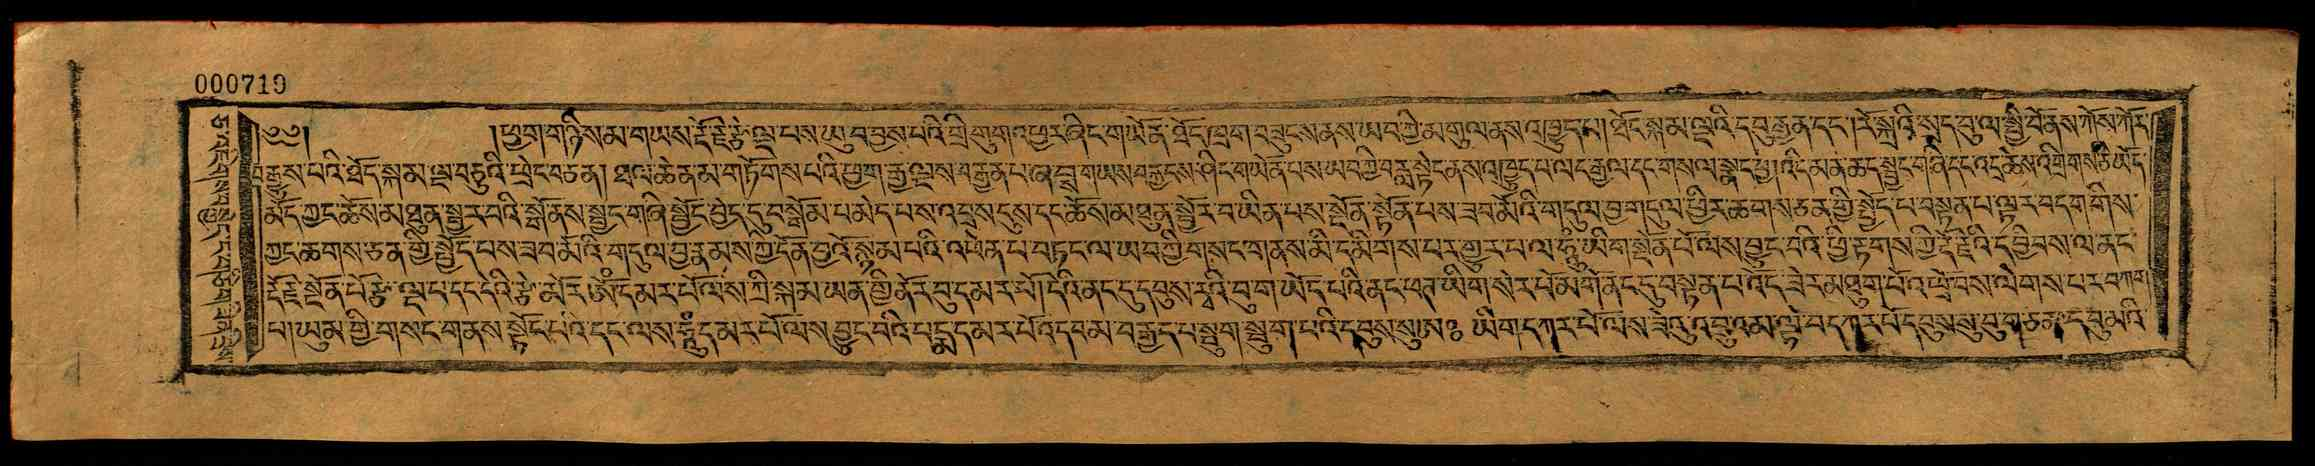༄༅། །ཕྱག་གཉིས་མ་གཡས་རྡོ་རྗེ་རྩེ་ལྔ་པས་ཡུ་བ་བྱས་པའི་གྲི་གུག་འཕྱར་ཞིང་གཡོན་ཐོད་ཁྲག་བཟུངས་ནས་ཡབ་ཀྱི་མགུལ་ནས་འཁྱུད་པ། ཐོད་སྐམ་ལྔའི་དབུ་རྒྱན་དང་། རོ་སྐྲའི་སྲང་བུ་ལ་སྤྱི་བོ་ནས་ཀོས་ཀོར་
རྒྱུས་པའི་ཐོད་སྐམ་ལྔ་བཅུའི་ཕྲེང་བ་ཅན། ཐལ་ཆེན་མ་གཏོགས་པའི་ཕྱག་རྒྱ་ལྔས་བརྒྱན་པ་ཞབས་གཡས་བརྐྱངས་ཤིང་གཡོན་པས་ཡབ་ཀྱི་བརླ་སྟེང་ནས་འཁྱུད་པ་ལ་ང་རྒྱལ་དང་གསལ་སྣང་བྱ། འདི་མན་ཆད་སྦྱང་གཞི་དང་འདྲ་ཆོས་འགྲིག་པ་ཙམ་ཡོད་
མོད་ཀྱང་ཆོས་མཐུན་སྦྱར་བའི་སྒོ་ནས་སྦྱང་གཞི་སྦྱོང་བྱེད་དུ་བསྒོམ་པ་མེད་པས་འབྲས་དུས་དང་ཆོས་མཐུན་སྦྱོར་བ་ཡིན་པས་སྔོན་སྟོན་པས་ཟབ་མོའི་གདུལ་བྱ་གདུལ་ཕྱིར་ཆགས་ཅན་གྱི་སྤྱོད་པ་བསྟན་པ་ལྟར་བདག་གིས་
ཀྱང་ཆགས་ཅན་གྱི་སྤྱོད་པས་ཟབ་མོའི་གདུལ་བྱ་རྣམས་ཀྱི་དོན་བྱའོ་སྙམ་པའི་འཕེན་པ་བཏང་ལ་ཡབ་ཀྱི་གསང་གནས་མི་དམིགས་པར་གྱུར་པ་ལ་ཧཱུཾ་ཡིག་སྔོན་པོ་ལས་བྱུང་བའི་ཕྱི་རྟགས་ཀྱི་རྡོ་རྗེའི་དབྱིབས་ལ་ནང་
རྡོ་རྗེ་སྔོན་པོ་རྩེ་ལྔ་པ་དང་དེའི་རྩེ་མོར་ཨོཾ་དམར་པོ་ལས་ཀྲི་སྐམ་ཡན་གྱི་ནོར་བུ་དམར་པོ། དེའི་ནང་དུ་དབུས་རྭའི་བུ་ག་ཡོད་པའི་ནང་ཕཊ་ཡིག་སེར་པོ་མགོ་ནང་དུ་བསྟན་པ་འོད་ཟེར་མཐུག་པོ་འཕྲོ་བས་ལེགས་པར་བཀག་
པ། ཡུམ་གྱི་གསང་གནས་སྟོང་པའི་ངང་ལ་ཧཱུཾ་དམར་པོ་ལ་བྱུང་བའི་པདམད་དམར་པོ་འདམ་འདབ་མ་བརྒྱད་པ་སྦུག་སྦུག་པའི་དབུས་སུ་ཨཱཿ ཡིག་དཀར་པོ་ལས་ཟེའུ་འབྲུ་འམ་ལྟེ་བ་དཀར་པོ་དབུས་སུ་བུ་ག་ཅན། དབུ་མའི་